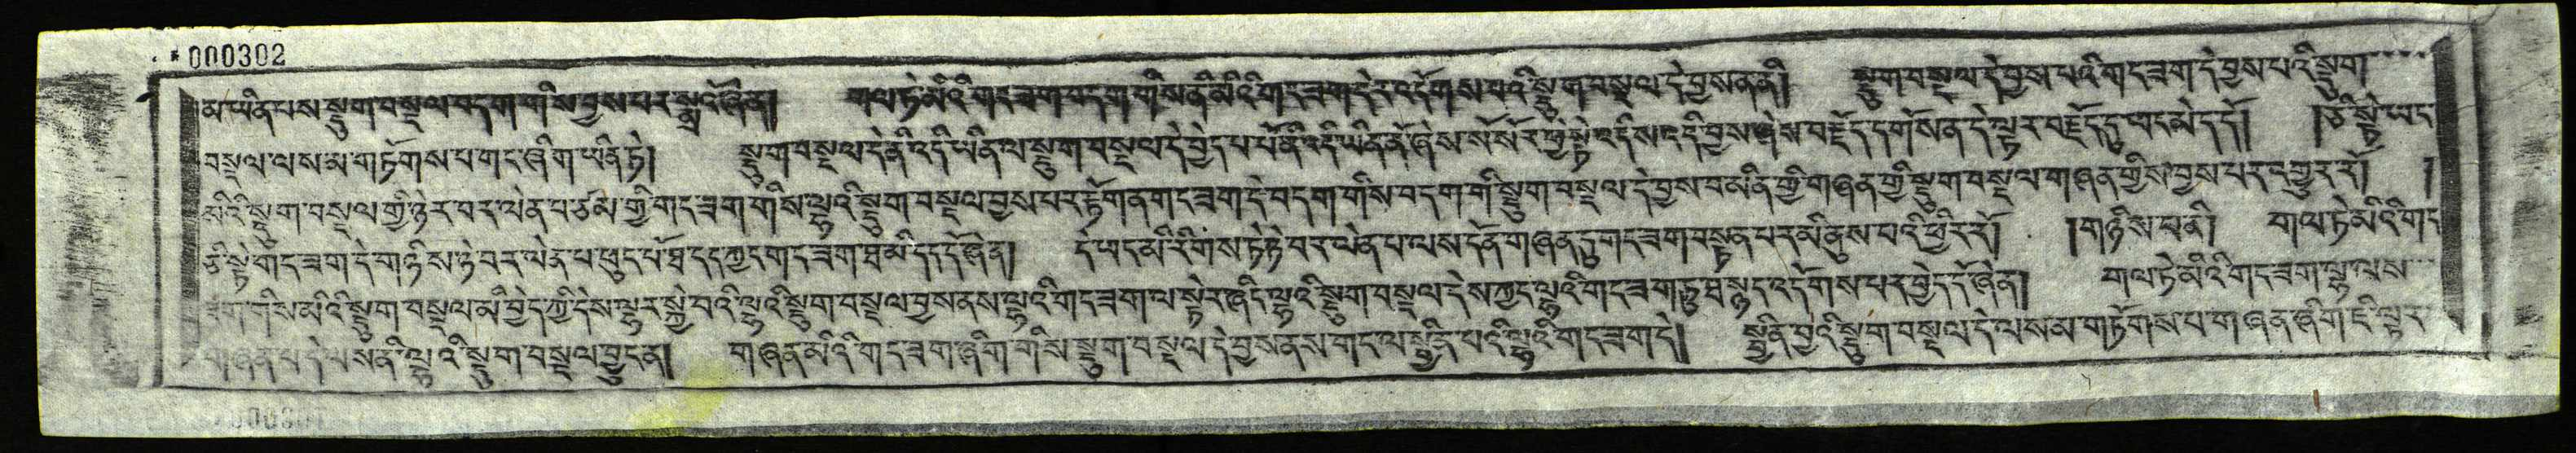མ་ཡིན་པས་སྡུག་བསྔལ་བདག་གིས་བྱས་པར་སྨྲའོ་ཞེ་ན། གལ་ཏེ་མིའི་གང་ཟག་བདག་གིས་ནི་མིའི་གང་ཟག་དེར་འདོགས་པའི་སྡུག་བསྔལ་དེ་བྱས་ན་ནི། སྡུག་བསྔལ་དེ་བྱས་པའི་གང་ཟག་དེ་བྱས་པའི་སྡུག་
བསྔལ་ལས་མ་གཏོགས་པ་གང་ཞིག་ཡིན་ཏེ། སྡུག་བསྔལ་དེ་ནི་འདི་ཡིན་ལ་སྡུག་བསྔལ་དེ་བྱེད་པ་པོ་ནི་འདི་ཡིན་ནོ་ཞེས་སོ་སོར་ཕྱེ་སྟེ་འདིས་འདི་བྱས་ཞེས་བརྗོད་དགོས་ན་དེ་ལྟར་བརྗོད་དུ་ཡང་མེད་དོ། །ཅི་སྟེ་ཡང་
མིའི་སྡུག་བསྔལ་གྱི་ཉེར་བར་ལེན་པ་ཙམ་གྱི་གང་ཟག་གིས་ལྷའི་སྡུག་བསྔལ་བྱས་པར་རྟོག་ན་གང་ཟག་དེ་བདག་གིས་བདག་གི་སྡུག་བསྔལ་དེ་བྱས་པ་མིན་གྱི་གཞན་གྱི་སྡུག་བསྔལ་གཞན་གྱིས་བྱས་པར་འགྱུར་རོ། །
ཅི་སྟེ་གང་ཟག་དེ་གཉིས་ཉེ་བར་ལེན་པ་ཕུང་པོ་ཐ་དད་ཀྱང་གང་ཟག་ཐ་མི་དད་དོ་ཞེ་ན། དེ་ཡང་མི་རིགས་ཏེ་ཉེ་བར་ལེན་པ་ལས་དོན་གཞན་དུ་གང་ཟག་བསྟན་པར་མི་ནུས་པའི་ཕྱིར་རོ། །གཉིས་པ་ནི། གལ་ཏེ་མིའི་གང་
ཟག་གིས་མིའི་སྡུག་བསྔལ་མི་བྱེད་ཀྱི་དེས་ལྷར་སྐྱེ་བའི་ལྷའི་སྡུག་བསྔལ་བྱས་ནས་ལྷའི་གང་ཟག་ལ་སྟེར་ཞིང་ལྷའི་སྡུག་བསྔལ་དེས་ཀྱང་ལྷའི་གང་ཟག་ཏུ་ཐ་སྙད་འདོགས་པར་བྱེད་དོ་ཞེ་ན། གལ་ཏེ་མིའི་གང་ཟག་ལྷ་ལས་
གཞན་པ་དེ་ལས་ནི་ལྷའི་སྡུག་བསྔལ་བྱུང་ན། གཞན་མིའི་གང་ཟག་ཞིག་གིས་སྡུག་བསྔལ་དེ་བྱས་ནས་གང་ལ་སྦྱིན་པའི་ལྷའི་གང་ཟག་དེ། སྦྱིན་བྱའི་སྡུག་བསྔལ་དེ་ལས་མ་གཏོགས་པ་གཞན་ཞིག་ཇི་ལྟར་